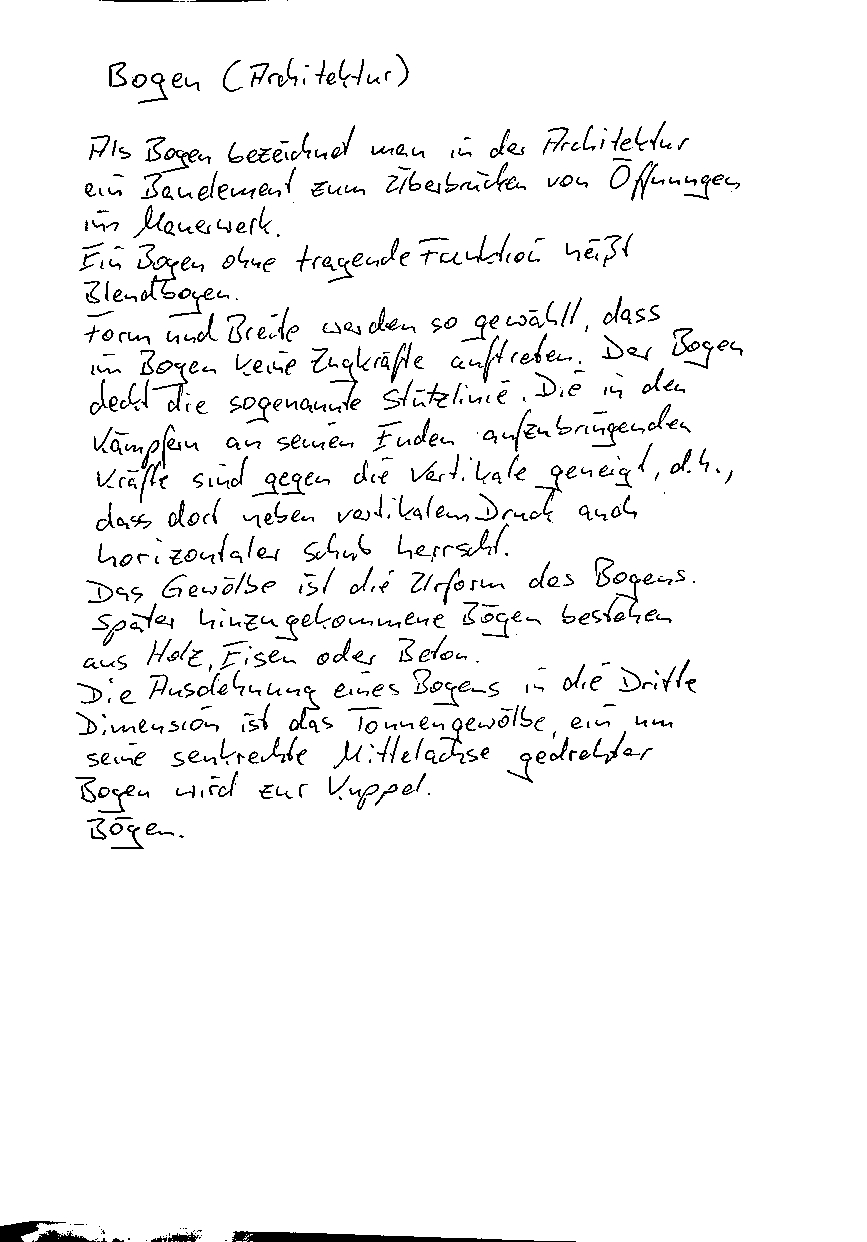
Bogen (Architektur)
Als Bogen bezeichnet man in der Architektur
ein Bauelement zum Überbrücken von Öffnungen
im Mauerwerk.
Ein Bogen ohne tragende Funktion heißt
Blendbogen.
Form und Breite werden so gewählt, dass
im Bogen keine Zugkräfte auftreten. Der Bogen
deckt die sogenannte Stützlinie. Die in den
Kämpfern an seinen Enden aufzubringenden
Kräfte sind gegen die Vertikale geneigt, d. h.,
dass dort neben vertikalem Druck auch
horizontaler Schub herrscht.
Das Gewölbe ist die Urform des Bogens.
Später hinzugekommene Bögen bestehen
aus Holz, Eisen oder Beton.
Die Ausdehnung eines Bogens in die Dritte
Dimension ist das Tonnengewölbe, ein um
seine senkrechte Mittelachse gedrehter
Bogen wird zur Kuppel.
Bögen
